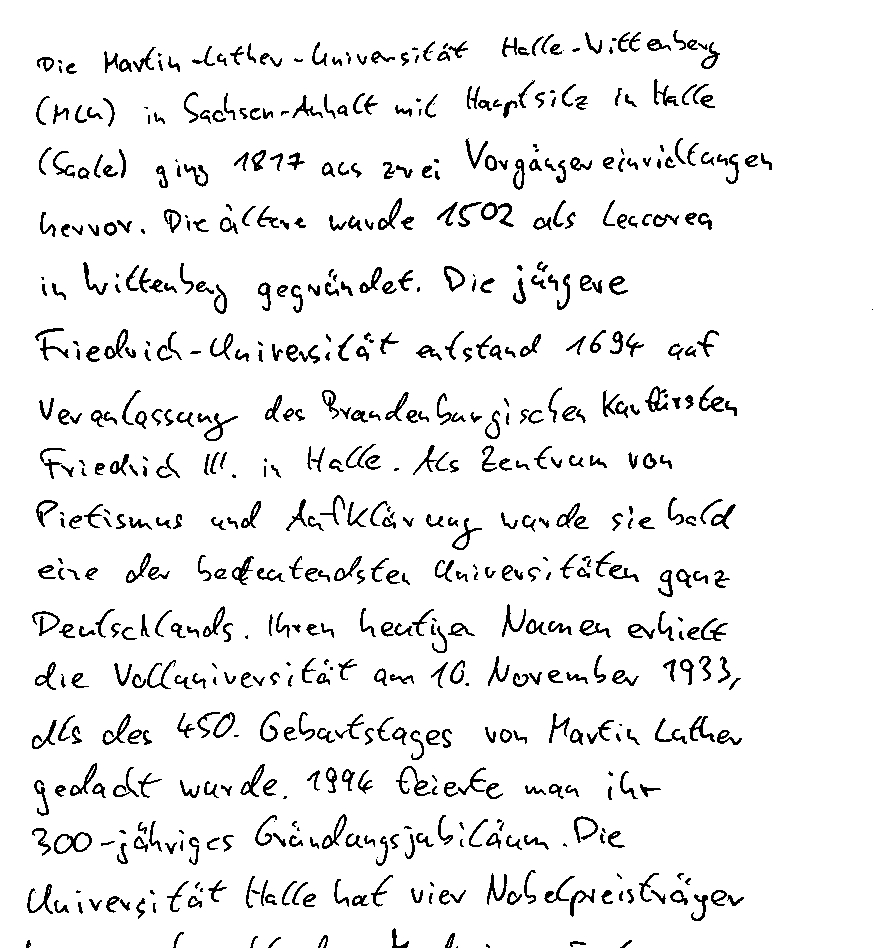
Die Martin-Luther-Universität Halle-Wittenberg
(MLU) in Sachsen-Anhalt mit Hauptsitz in Halle
(Saale) ging 1817 aus zwei Vorgängereinrichtungen
hervor. Die ältere wurde 1502 als Leucorea
in Wittenberg gegründet. Die jüngere
Friedrichs-Universität entstand 1694 auf
Veranlassung des Brandenburgischen Kurfürsten
Friedrich III. in Halle. Als Zentrum von
Pietismus und Aufklärung wurde sie bald
eine der bedeutendsten Universitäten ganz
Deutschlands. Ihren heutigen Namen erhielt
die Volluniversität am 10. November 1933,
als des 450. Geburtstages von Martin Luther
gedacht wurde. 1994 feierte man ihr
300-jähriges Gründungsjubiläum. Die
Universität Halle hat vier Nobelpreisträger
